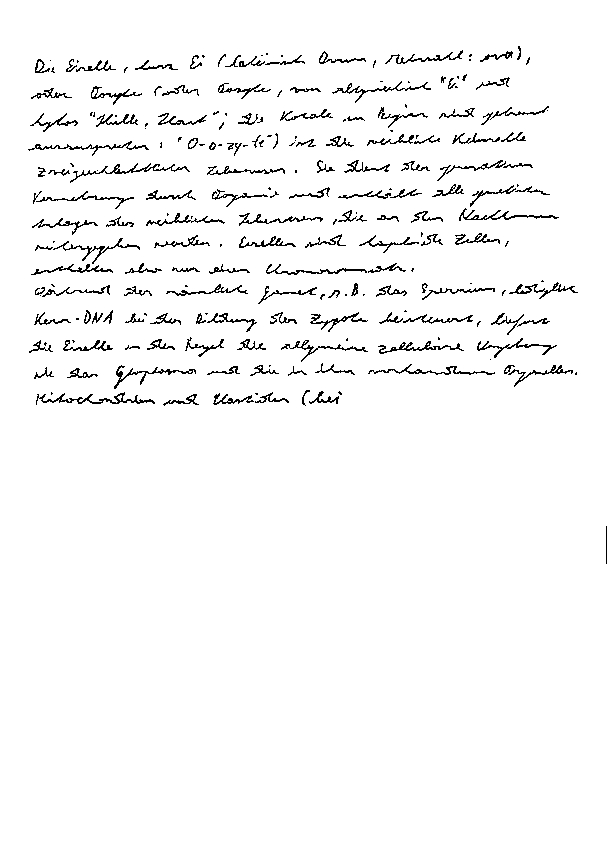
Die Eizelle, kurz Ei (lateinisch Ovum, Mehrzahl: ova),
oder Oocyte (oder Oozyte, von altgriechisch "Ei" und
kytos "Hülle, Haut"; die Vokale zu Beginn sind getrennt
auszusprechen: "O-o-zy-te") ist die weibliche Keimzelle
zweigeschlechtlicher Lebewesen. Sie dient der generativen
Vermehrung durch Oogamie und enthält alle genetischen
Anlagen des weiblichen Lebewesens, die an den Nachkommen
weitergegeben werden. Eizellen sind haploide Zellen,
enthalten also nur einen Chromosomensatz.
Während der männliche Gamet, z. B. das Spermium, lediglich
Kern-DNA bei der Bildung der Zygote beisteuert, liefert
die Eizelle in der Regel die allgemeine zelluläre Umgebung
wie das Cytoplasma und die in ihm vorhandenen Organellen.
Mitochondrien und Plastiden (bei
